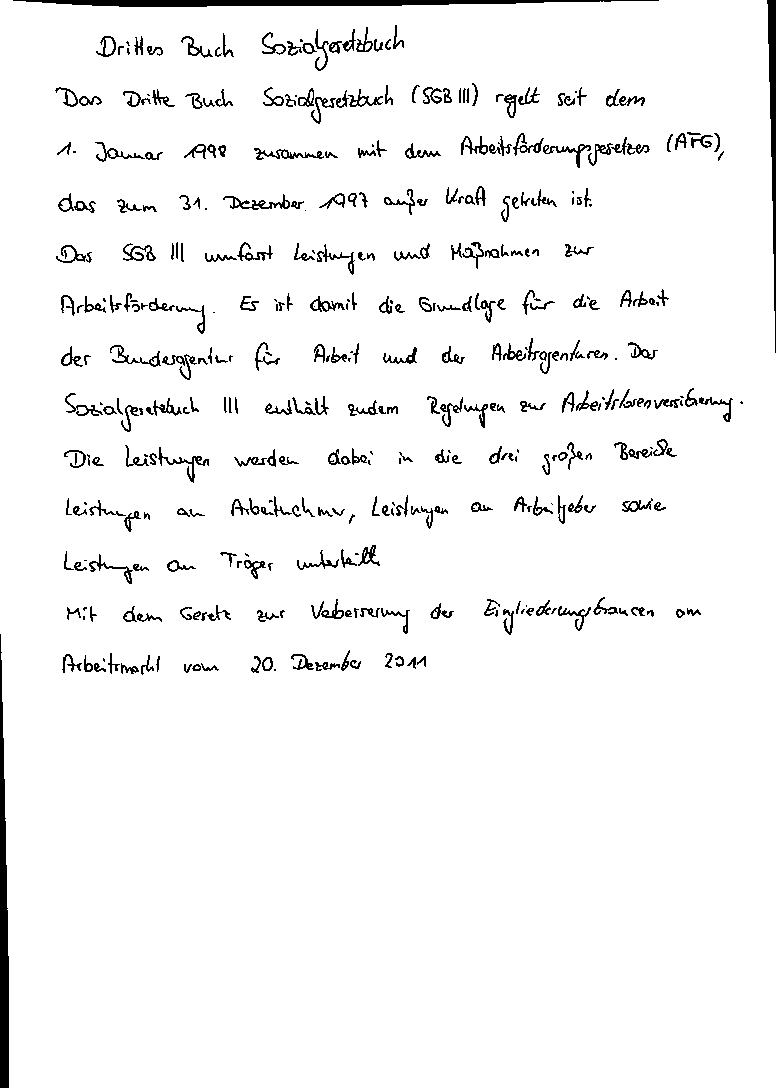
Drittes Buch Sozialgesetzbuch
Das Dritte Buch Sozialgesetzbuch (SGB III) regelt seit dem
1. Januar 1998 zusammen mit dem Arbeitsförderungsgesetzes (AFG),
das zum 31. Dezember 1997 außer Kraft getreten ist.
Das SGB III umfasst Leistungen und Maßnahmen zur
Arbeitsförderung. Es ist damit die Grundlage für die Arbeit
der Bundesagentur für Arbeit und der Arbeitsagenturen. Das
Sozialgesetzbuch III enthält zudem Regelungen zur Arbeitslosenversicherung.
Die Leistungen werden dabei in die drei großen Bereiche
Leistungen an Arbeitnehmer, Leistungen an Arbeitgeber sowie
Leistungen an Träger unterteilt
Mit dem Gesetz zur Verbesserung der Eingliederungschancen am
Arbeitsmarkt vom 20. Dezember 2011
